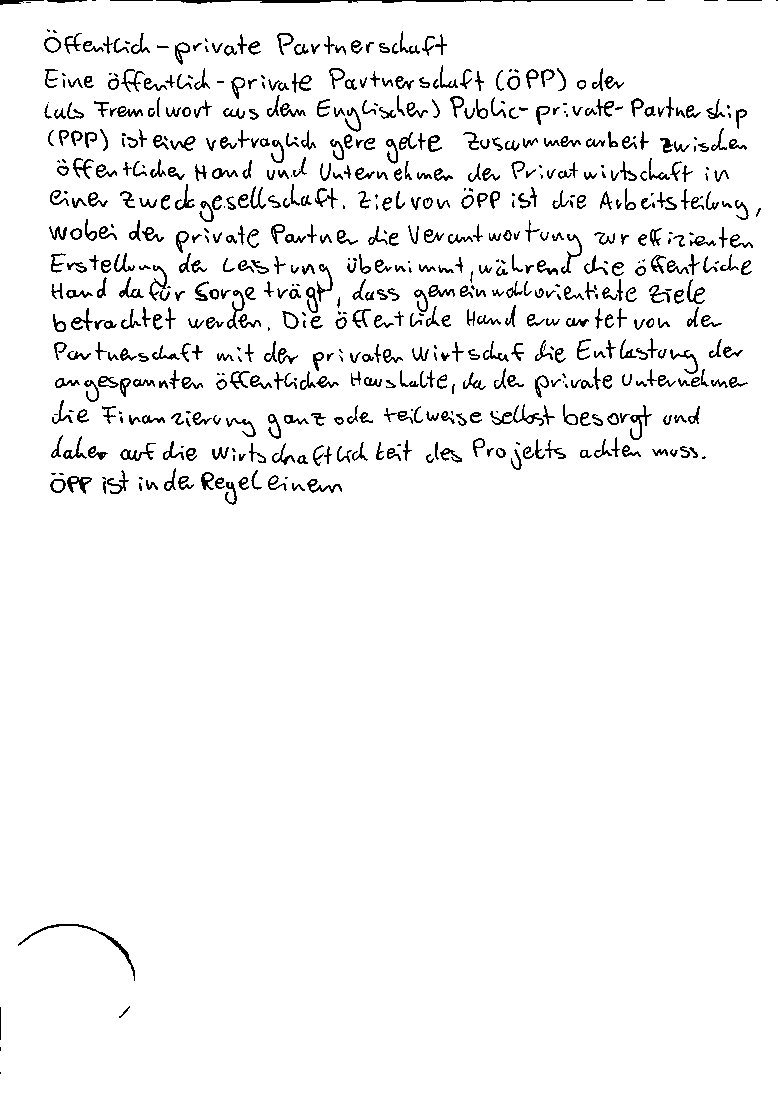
Öffentlich-private Partnerschaft
Eine öffentlich-private Partnerschaft (ÖPP) oder
(als Fremdwort aus dem Englischen) Public-private-Partnership
(PPP) ist eine vertraglich geregelte Zusammenarbeit zwischen
öffentlicher Hand und Unternehmen der Privatwirtschaft in
einer Zweckgesellschaft. Ziel von ÖPP ist die Arbeitsteilung,
wobei der private Partner die Verantwortung zur effizienten
Erstellung der Leistung übernimmt, während die öffentliche
Hand dafür Sorge trägt, dass gemeinwohlorientierte Ziele
beachtet werden. Die öffentliche Hand erwartet von der
Partnerschaft mit der privaten Wirtschaft die Entlastung der
angespannten öffentlichen Haushalte, da der private Unternehmer
die Finanzierung ganz oder teilweise selbst besorgt und
daher auf die Wirtschaftlichkeit des Projektes achten muss.
ÖPP ist in der Regel einem
